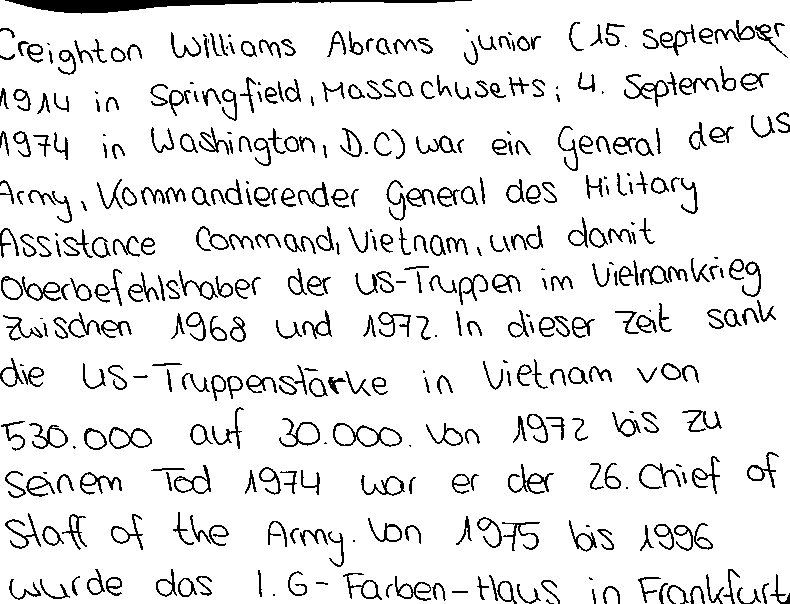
Creighton Williams Abrams junior (15. September
1914 in Springfield, Massachusetts; 4. September
1974 in Washington, D.C.) war ein General der US
Army, Kommandierender General des Military
Assistance Command, Vietnam, und damit
Oberbefehlshaber der US- -Truppen im Vietnamkrieg
zwischen 1968 und 1972. In dieser Zeit sank
die US-Truppenstärke in Vietnam von
530.000 auf 30.000. Von 1972 bis zu
seinem Tod 1974 war er der 26. Chief of
Staff of the Army. Von 1975 bis 1996
wurde das I.G.-Farben-Haus in Frankfurt
